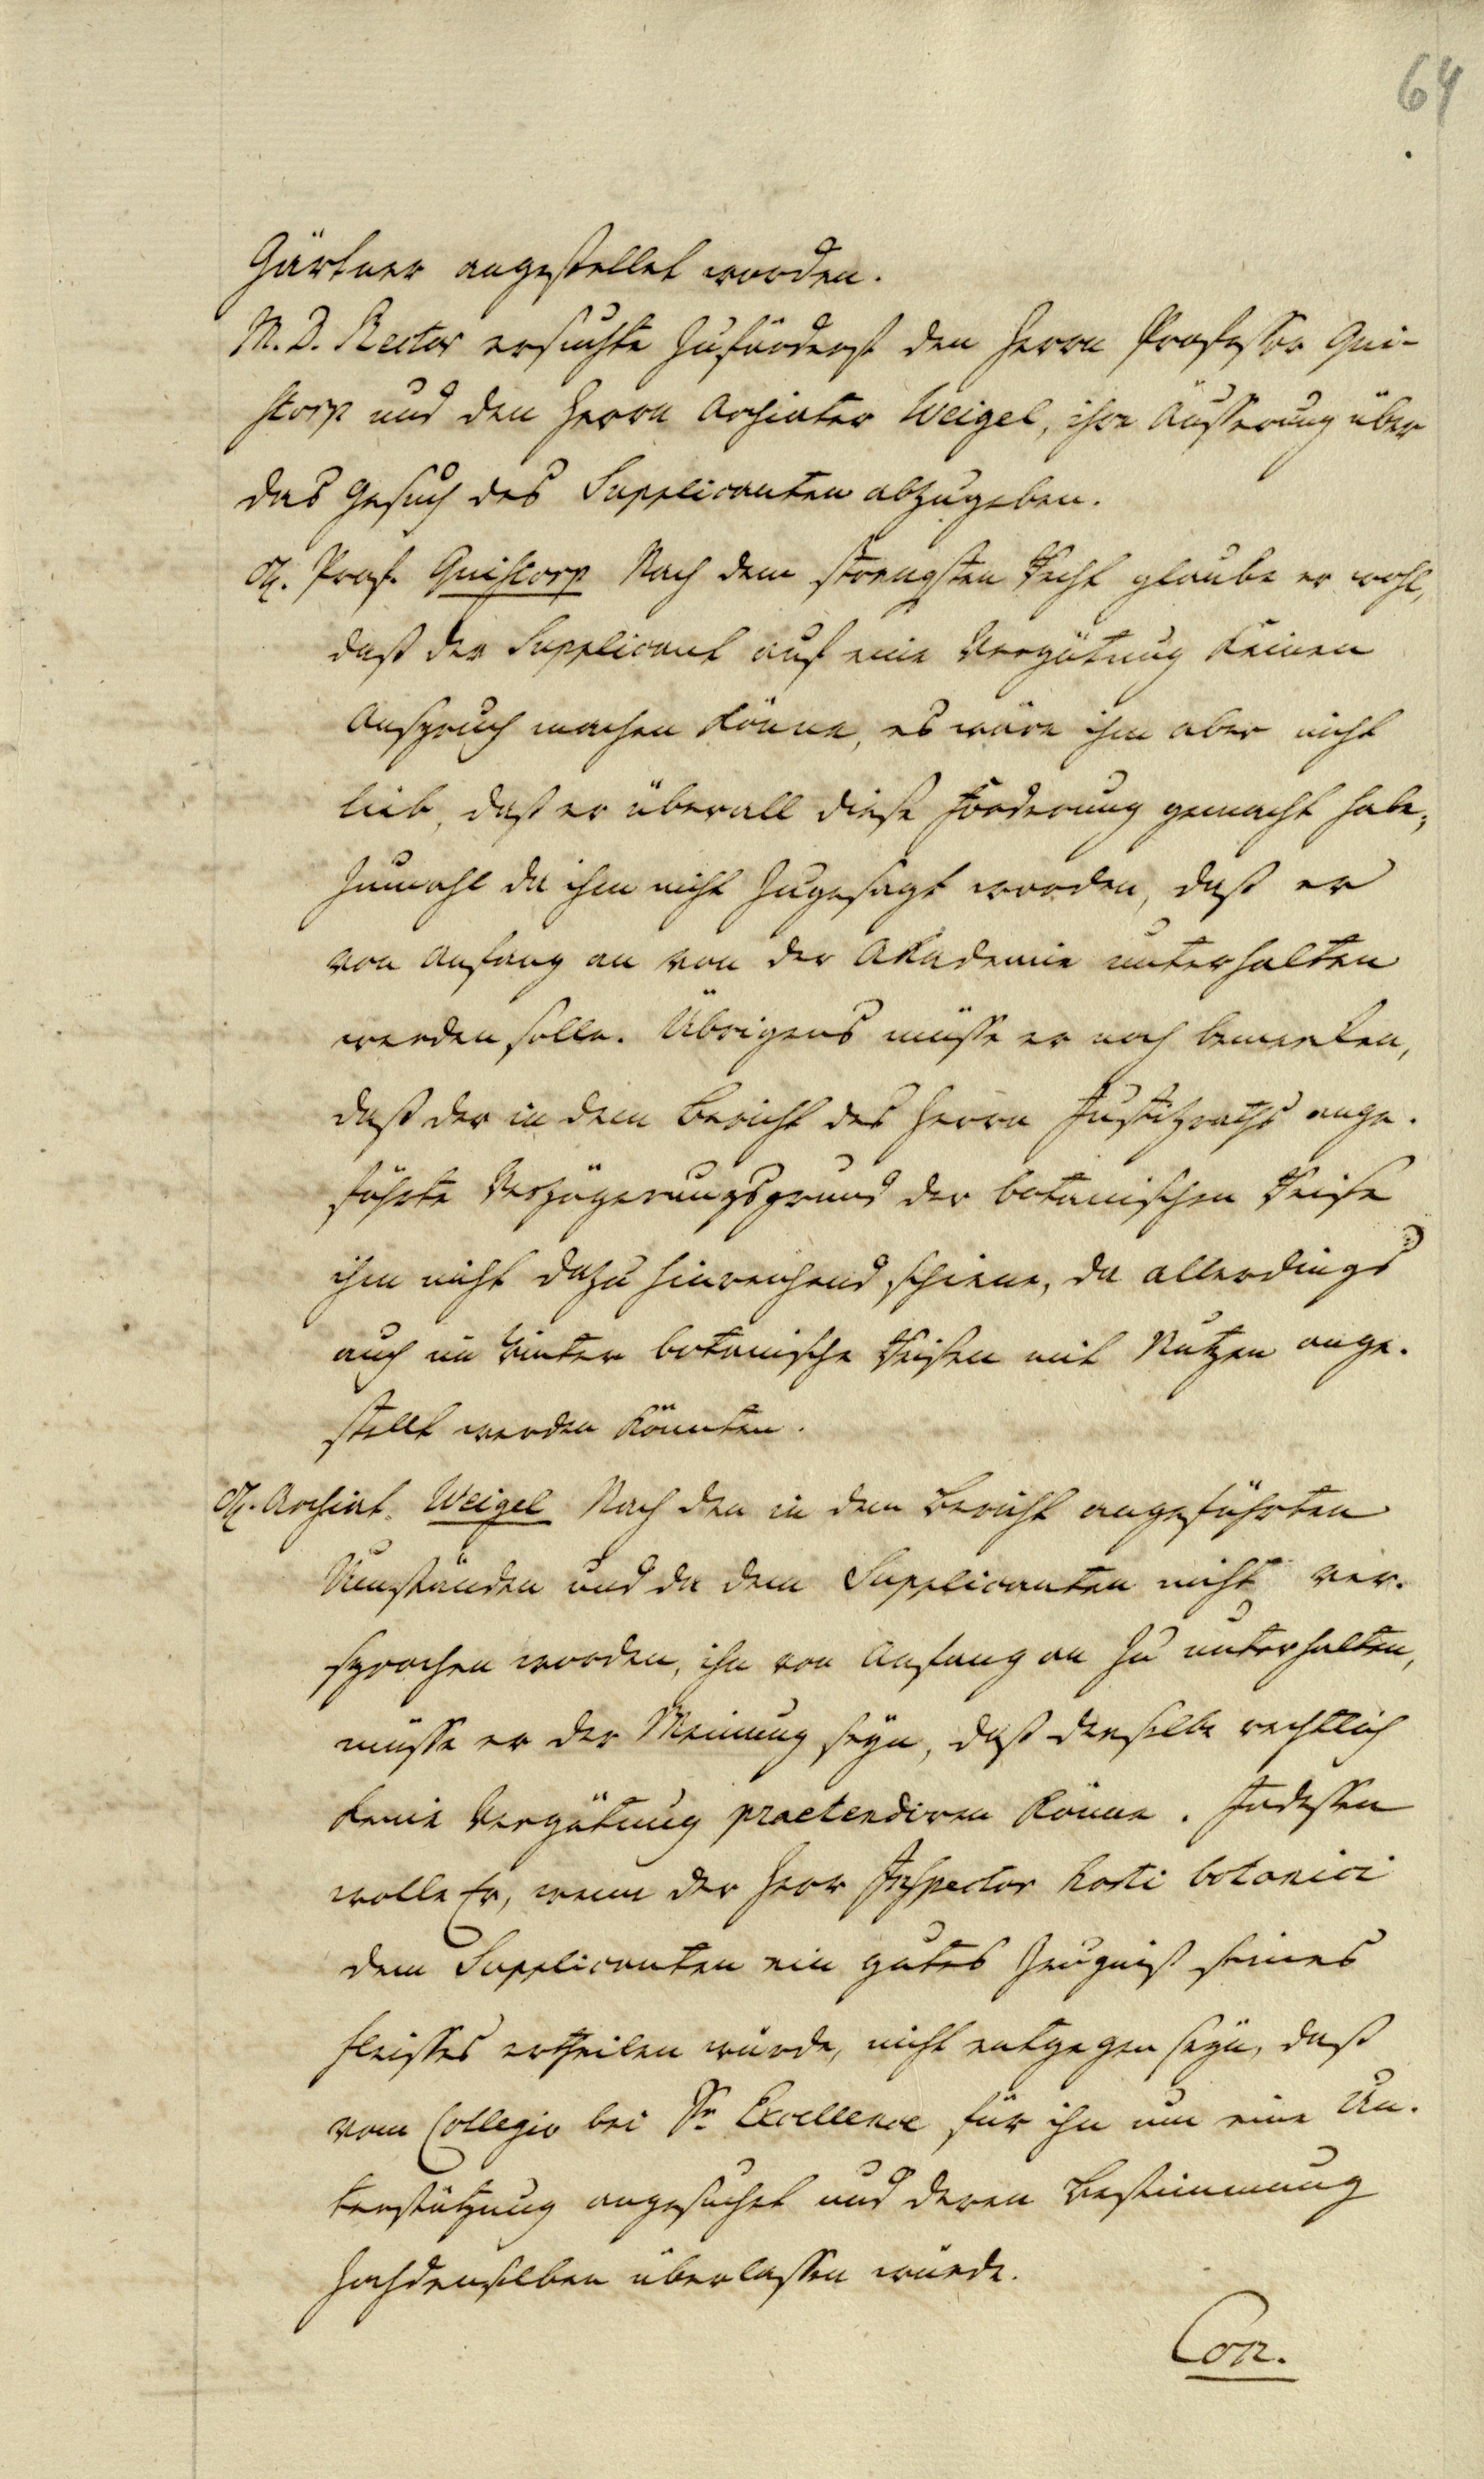Gärtner angestellet worden.
M. D. Rector ersuchte zuförderst den Herrn Professor Qui¬
storp und den Herrn Archiater Weigel, ihre Äusserung über
das Gesuch des Supplicanten abzugeben.
dh. Prof. Quistorp Nach dem strengsten Recht glaube er wohl,
daß der Supplicant auf eine Vergütung keinen
Anspruch machen könne, es wäre ihm aber nicht
lieb, daß er überall diese Forderung gemacht habe,
zumahl da ihm nicht zugesagt worden, daß er
von Anfang an von der Akademie unterhalten
werden solle. Übrigens müsse er noch bemerken,
daß der in dem Bericht des Herrn Justizraths ange¬
führte Verzögerungsgrund der botanischen Reise
ihm nicht dazu hinreichend schiene, da allerdings
auch im Winter botanische Reisen mit Nutzen ange¬
stellt werden könnten.
dh. Archiat. Weigel. Nach den in dem Bericht angeführten
Umständen und da dem Supplicanten nicht ver¬
sprochen worden, ihn von Anfang an zu unterhalten,
müsse er der Meinung seÿn, daß dieselbe rechtlich
keine Vergütung praetendiren könne. Indessen
wolle Er, wenn der Herr Inspector horti botanici
dem Supplicanten ein gutes Zeugniß seines
Fleisses ertheilen würde, nicht entgegen seÿn, daß
vom Collegio bei Sr Excellence für ihn um eine Un¬
terstützung angesuchet und deren Bestimmung
Hochdemselben überlassen würde.
Con¬